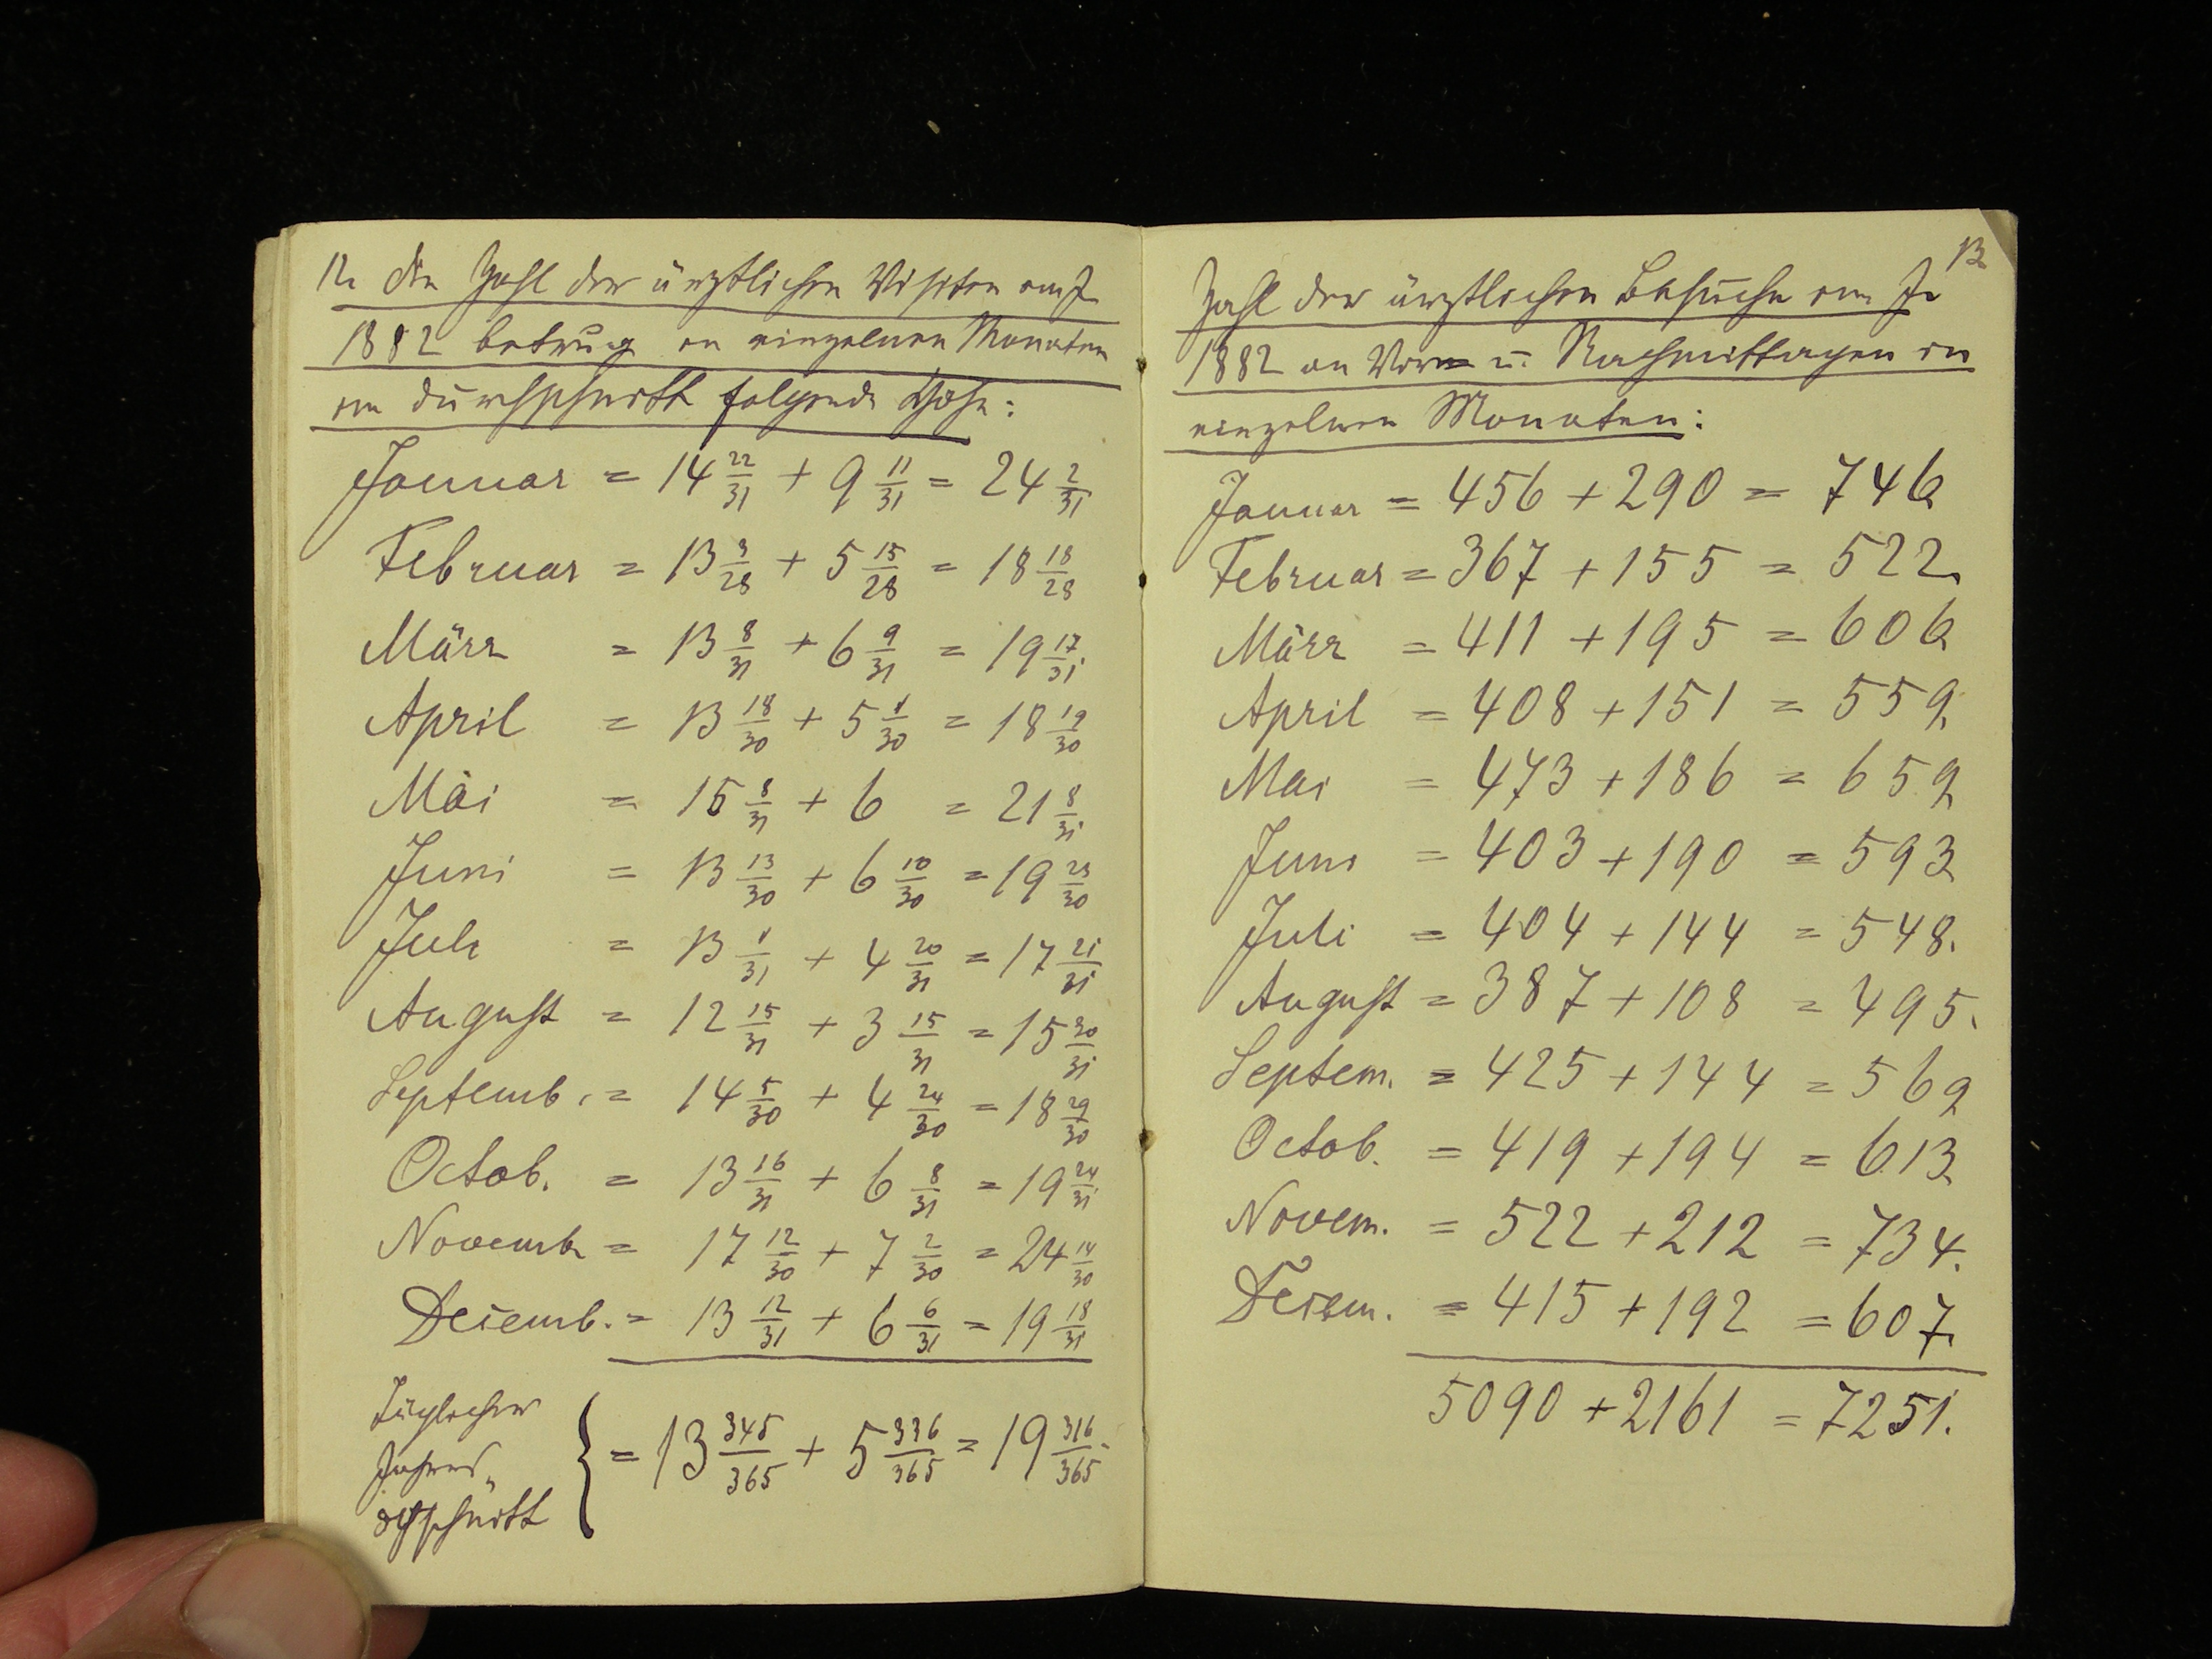12
Die Zahl der ärztlichen Visiten im Jahre
1882 betrug in einzelnen Monaten
im Durchschnitt folgende Höhe:
Januar = 14 22/31 + 9 11/31 = 24 2/31
Februar = 13 3/28 + 5 15/28 = 18 18/28
März = 13 8/31 + 6 9/31 = 19 17/31
April = 13 18/30 + 5 1/30 = 18 19/30
Mai = 15 8/31 + 6 = 21 8/31
Juni = 13 13/30 + 6 10/30 = 19 23/30
Juli = 13 13/31 + 4 20/31 = 17 21/31
August = 12 15/31 + 3 15/31 = 15 30/31
Septem. = 14 5/30 + 4 24/30 = 18 29/30
Octob. = 13 16/31 + 6 8/31 = 19 24/31
Novem. = 17 12/30 + 7 2/30 = 24 14/30
Decem. = 13 12/31 + 6 6/31 = 19 18/31
Täglicher
Jahres-
Durchschnitt
= 13 345/365 + 5 336/365 = 19 316/365
13
Zahl der ärztlichen Besuche im Jahre
1882 an Vormittag- u. Nachmittagen in
einzelnen Monaten:
Januar = 456 + 290 = 746
Februar = 367 + 155 = 522
März = 411 + 195 = 606
April = 408 + 151 = 559
Mai = 473 + 186 = 659
Juni = 403 + 190 = 593
Juli = 404 + 144 = 548
August = 387 + 108 = 495
Septem. = 425 + 144 = 569
Octob. = 419 + 194 = 613
Novem. = 522 + 212 = 734
Decem. = 415 + 192 = 607
5090 + 2161 = 7251